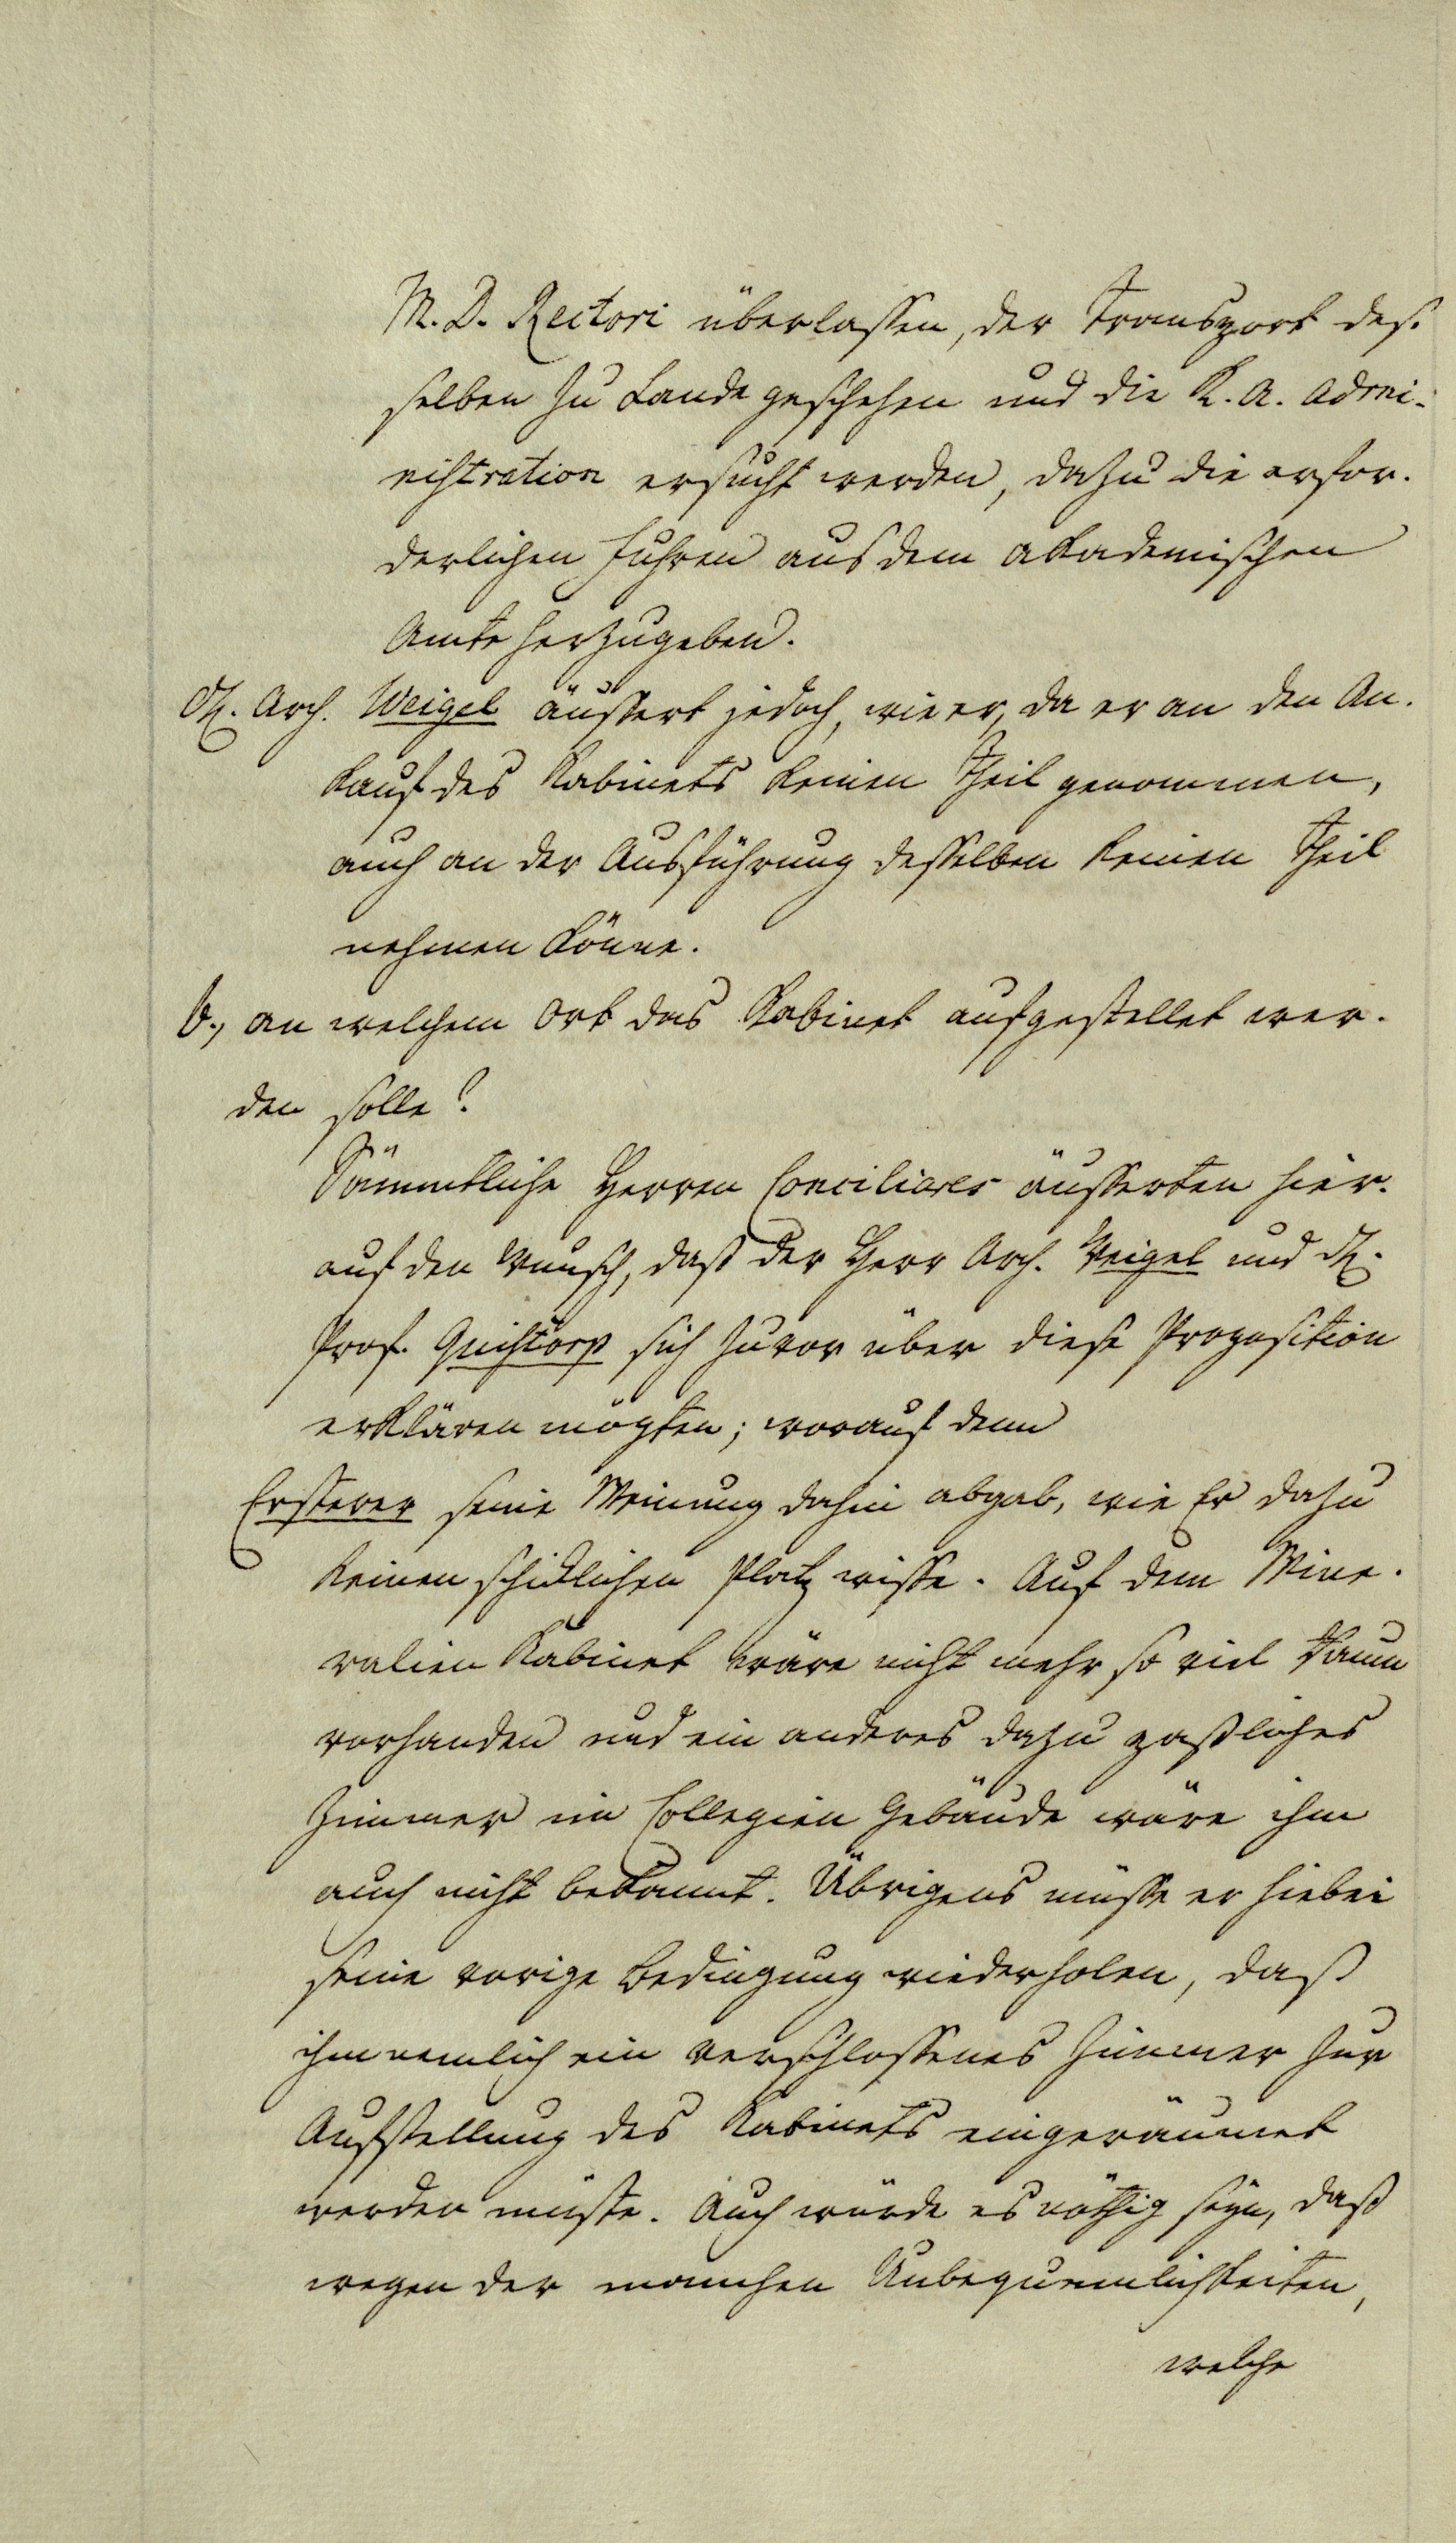M. D. Rectori überlassen, der Transport des¬
selben zu Lande geschehen und die K. A. Admi¬
nistration ersucht werden, dazu die erfor¬
derlichen Fuhren aus dem akademischen
Amte herzugeben.
dh. Arch. Weigel äussert jedoch, wie er, da er an den An¬
kauf des Kabinets keinen Theil genommen,
auch an der Ausführung desselben keinen Theil
nehmen könne.
b., an welchem Ort das Kabinet ausgestellet wer¬
den solle?
Sämmtliche Herren Conciliares äusserten hier¬
auf den Wunsch, daß der Herr Prof. Weigel und dh.
Prof. Quistorp sich zuvor über diese Proposition
erklären mögten; worauf denn
Ersterer seine Meinung dahin abgab, wie Er dazu
keinen schicklichen Platz wisse. Auf dem Mine¬
ralien Kabinet wäre nicht mehr so viel Raum
vorhanden und ein anderes dazu paßliches
Zimmer im Collegien Gebäude wäre ihm
auch nicht bekannt. Übrigens müsse er hiebei
seine vorige Bedingung wiederholen, daß
ihm nemlich ein verschlossenes Zimmer zur
Aufstellung des Kabinets eingeräumet
werden müßte. Auch würde es nöthig seÿn, daß
wegen der manchen Unbequemlichkeiten,
welche